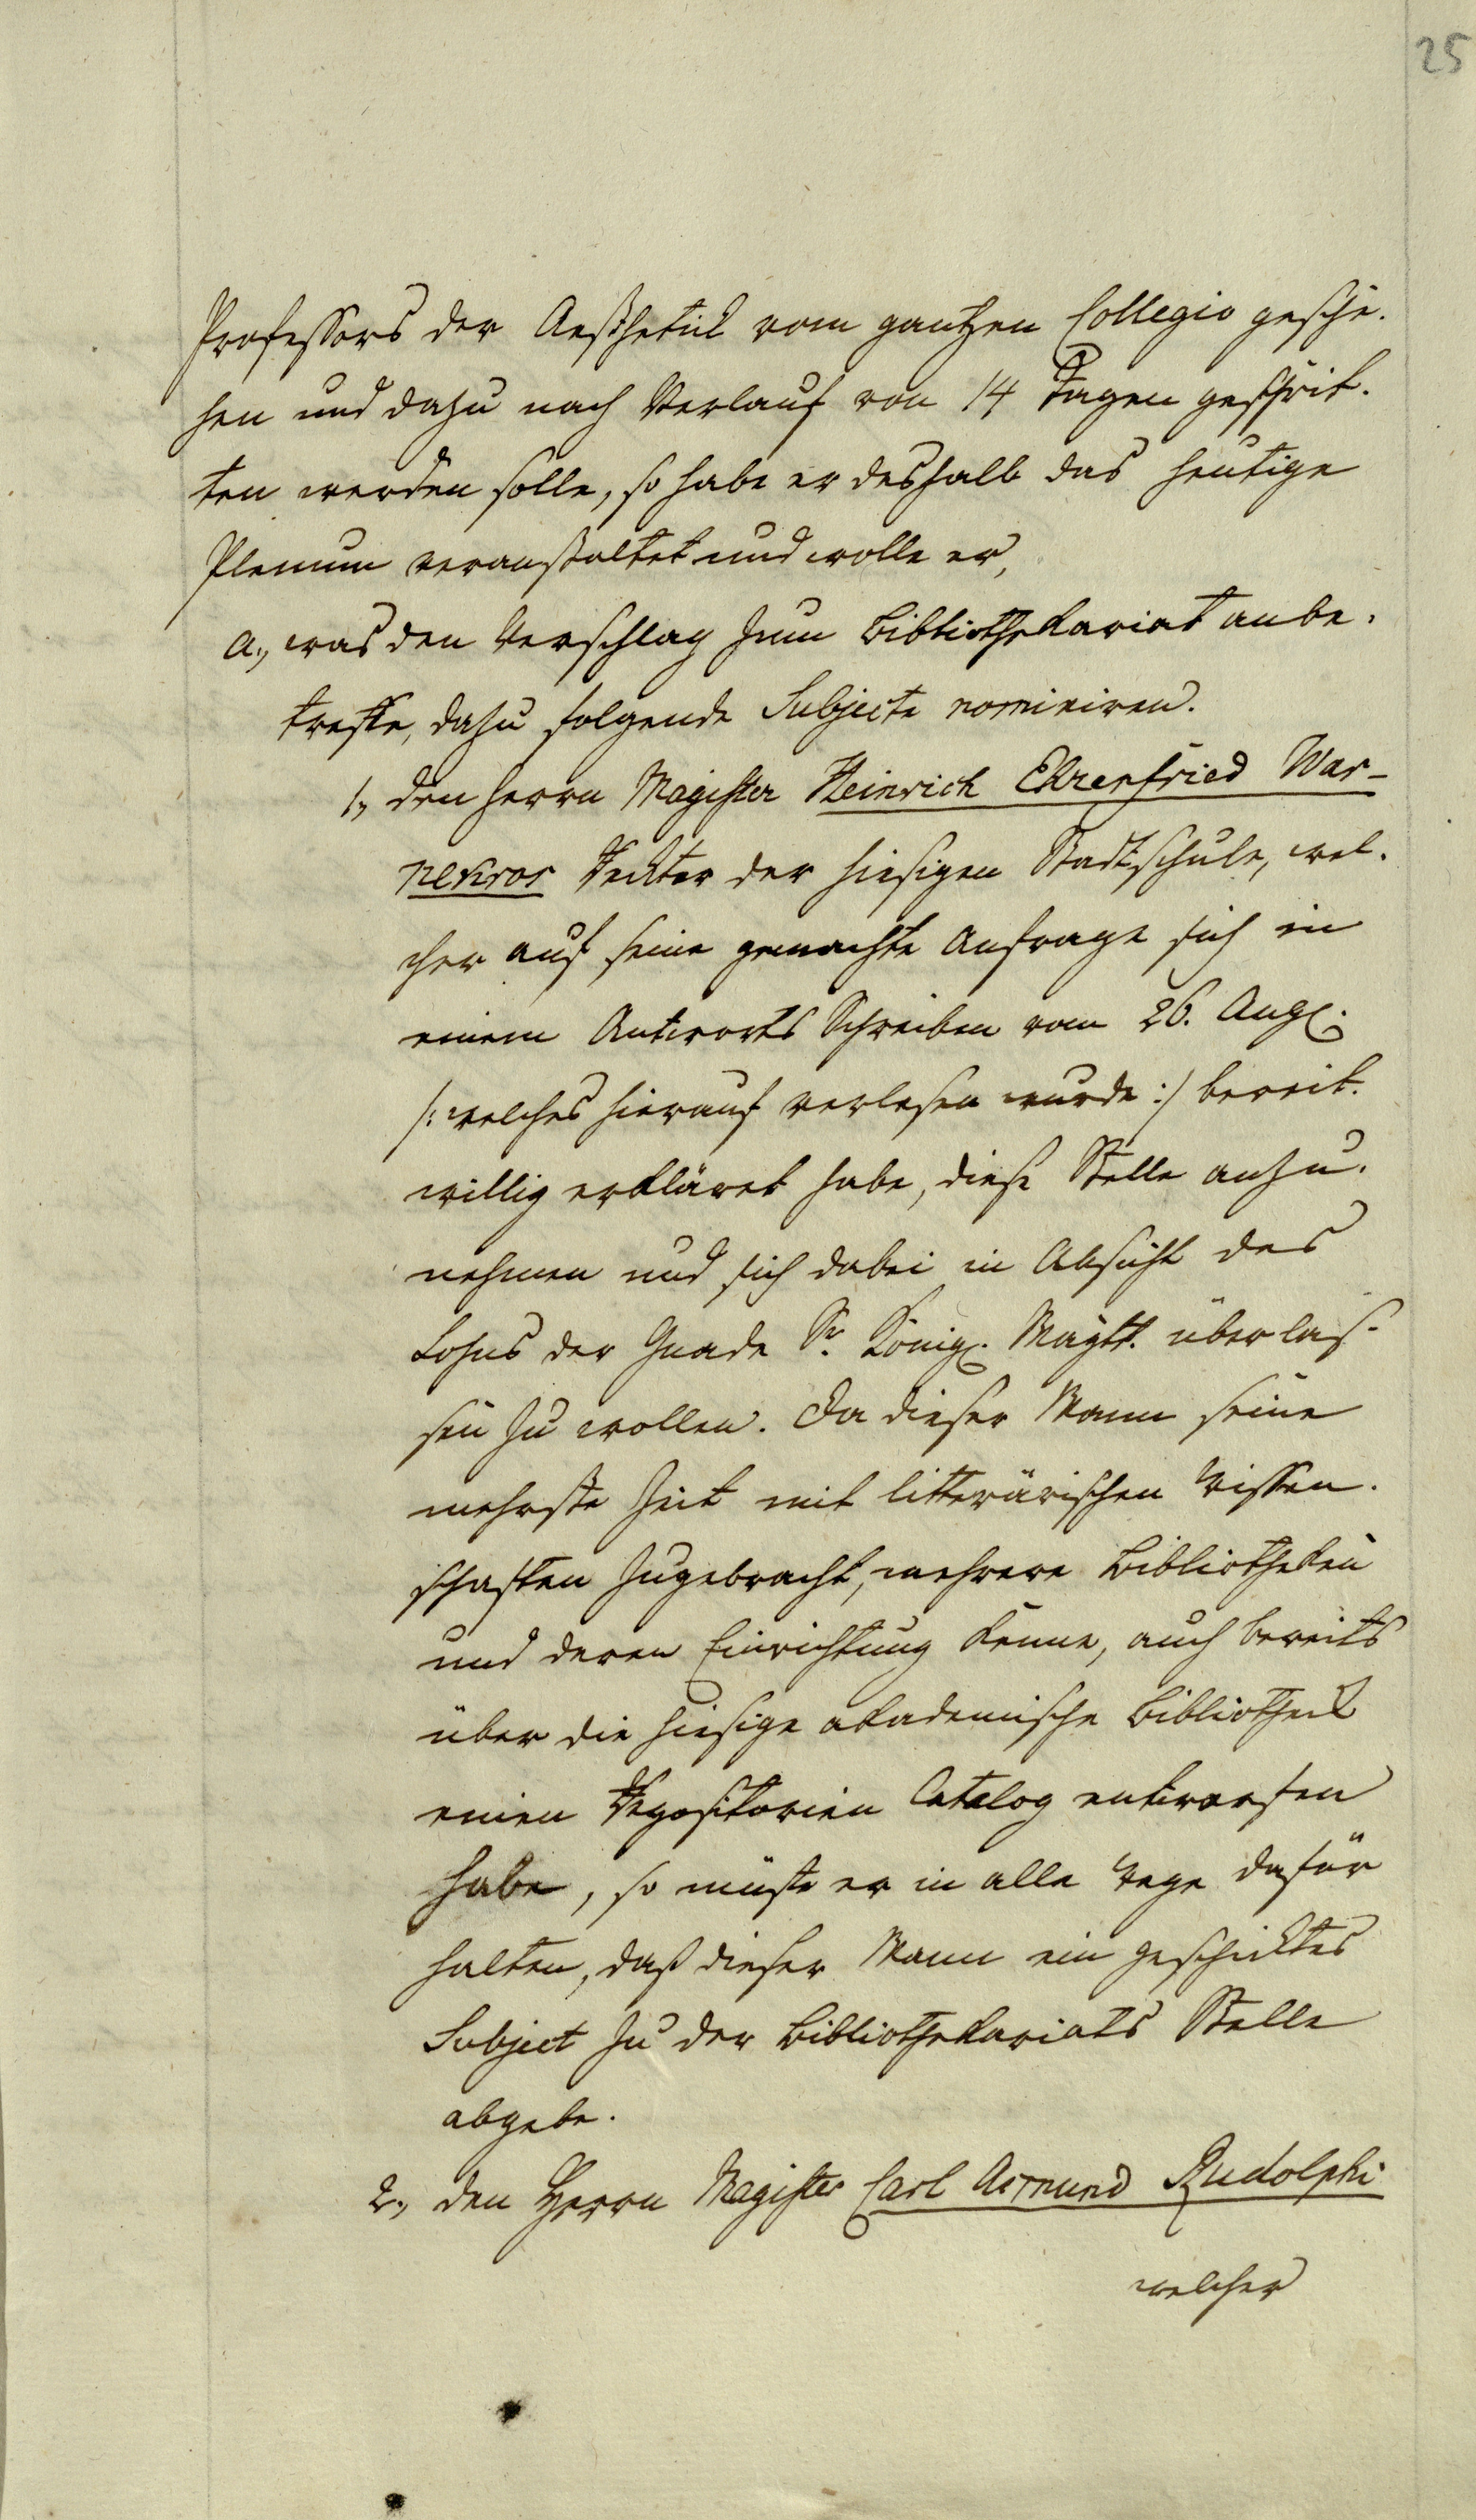Professors der Aesthetick vom gantzen Collegio gesche¬
hen und dazu nach Verlauf von 14 Tagen geschrit¬
ten werden solle, so habe er deshalb das heutige
Plenum veranstaltet und wolle er,
a., was den Vorschlag zum Bibliothekariat anbe¬
treffe, dazu folgende Subjecte nominiren.
1., den Herrn Magister Heinrich Ehrenfried War¬
nekros Recktor der hiesigen Stadtschule, wel¬
cher auf seine gemachte Anfrage sich in
einem Antworts Schreiben vom 26. Aug.
/: welches hierauf verlesen wurde :/ bereit¬
willig erkläret habe, diese Stelle anzu¬
nehmen und sich dabei in Absicht des
Lohns der Gnade Sr. Königl. Maÿst. überlas¬
sen zu wollen. Da dieser Mann seine
mehrste Zeit mit litterärischen Wissen¬
schaften zugebracht, mehrere Bibliotheken
und deren Einrichtung kenne, auch bereits
über die hiesige akademische Bibliothek
einen Repositorien Catalog entworfen
habe, so müsste er in alle Tage dafür
halten, daß dieser Mann ein geschicktes
Subject zu der Bibliothekariats Stelle
abgebe.
2., den Herrn Magister Carl Osmund Rudolphi
welcher